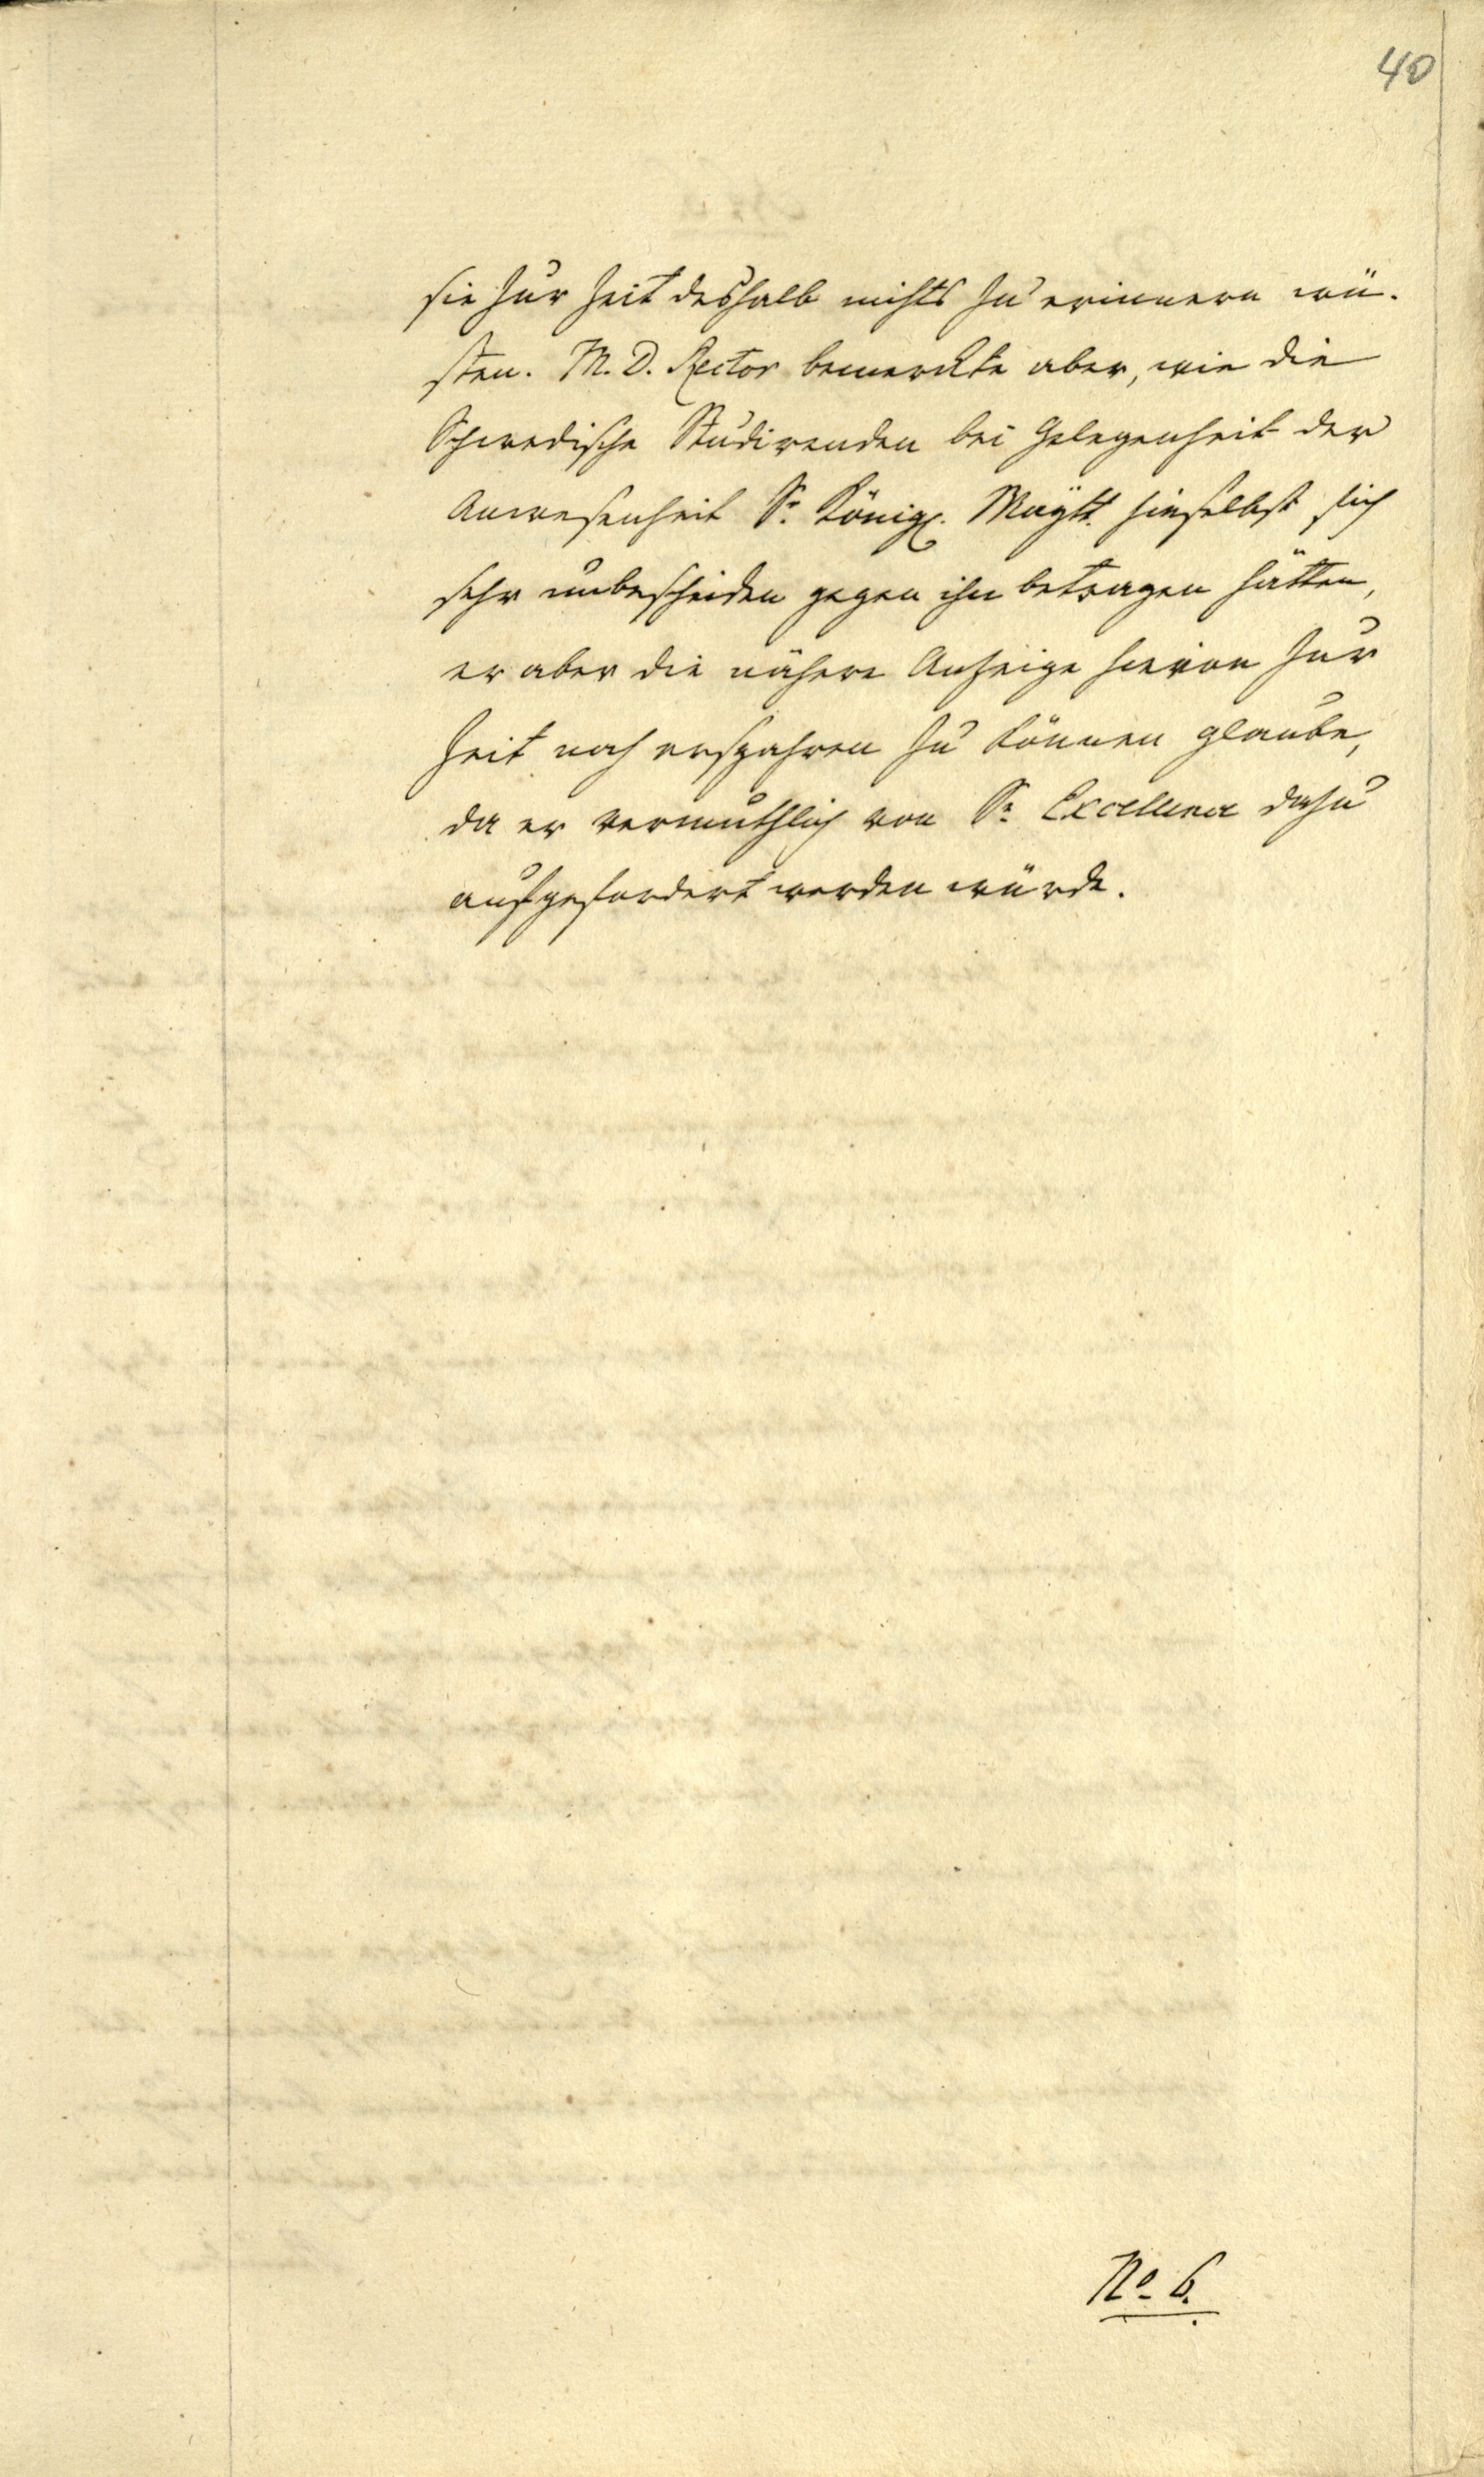sie zur Zeit deshalb nichts zu erinnern wü¬
sten. M. D. Rector bemerckte aber, wie die
Schwedische Studirenden bei Gelegenheit der
Anwesenheit Sr. Königl. Maÿtt. hieselbst sich
sehr unbescheiden gegen ihn betragen hätten,
er aber die nähere Anzeige hievon zur
Zeit noch erspahren zu können glaube,
da er vermuthlich von Sr. Excellence dazu
aufgefordert werden würde.